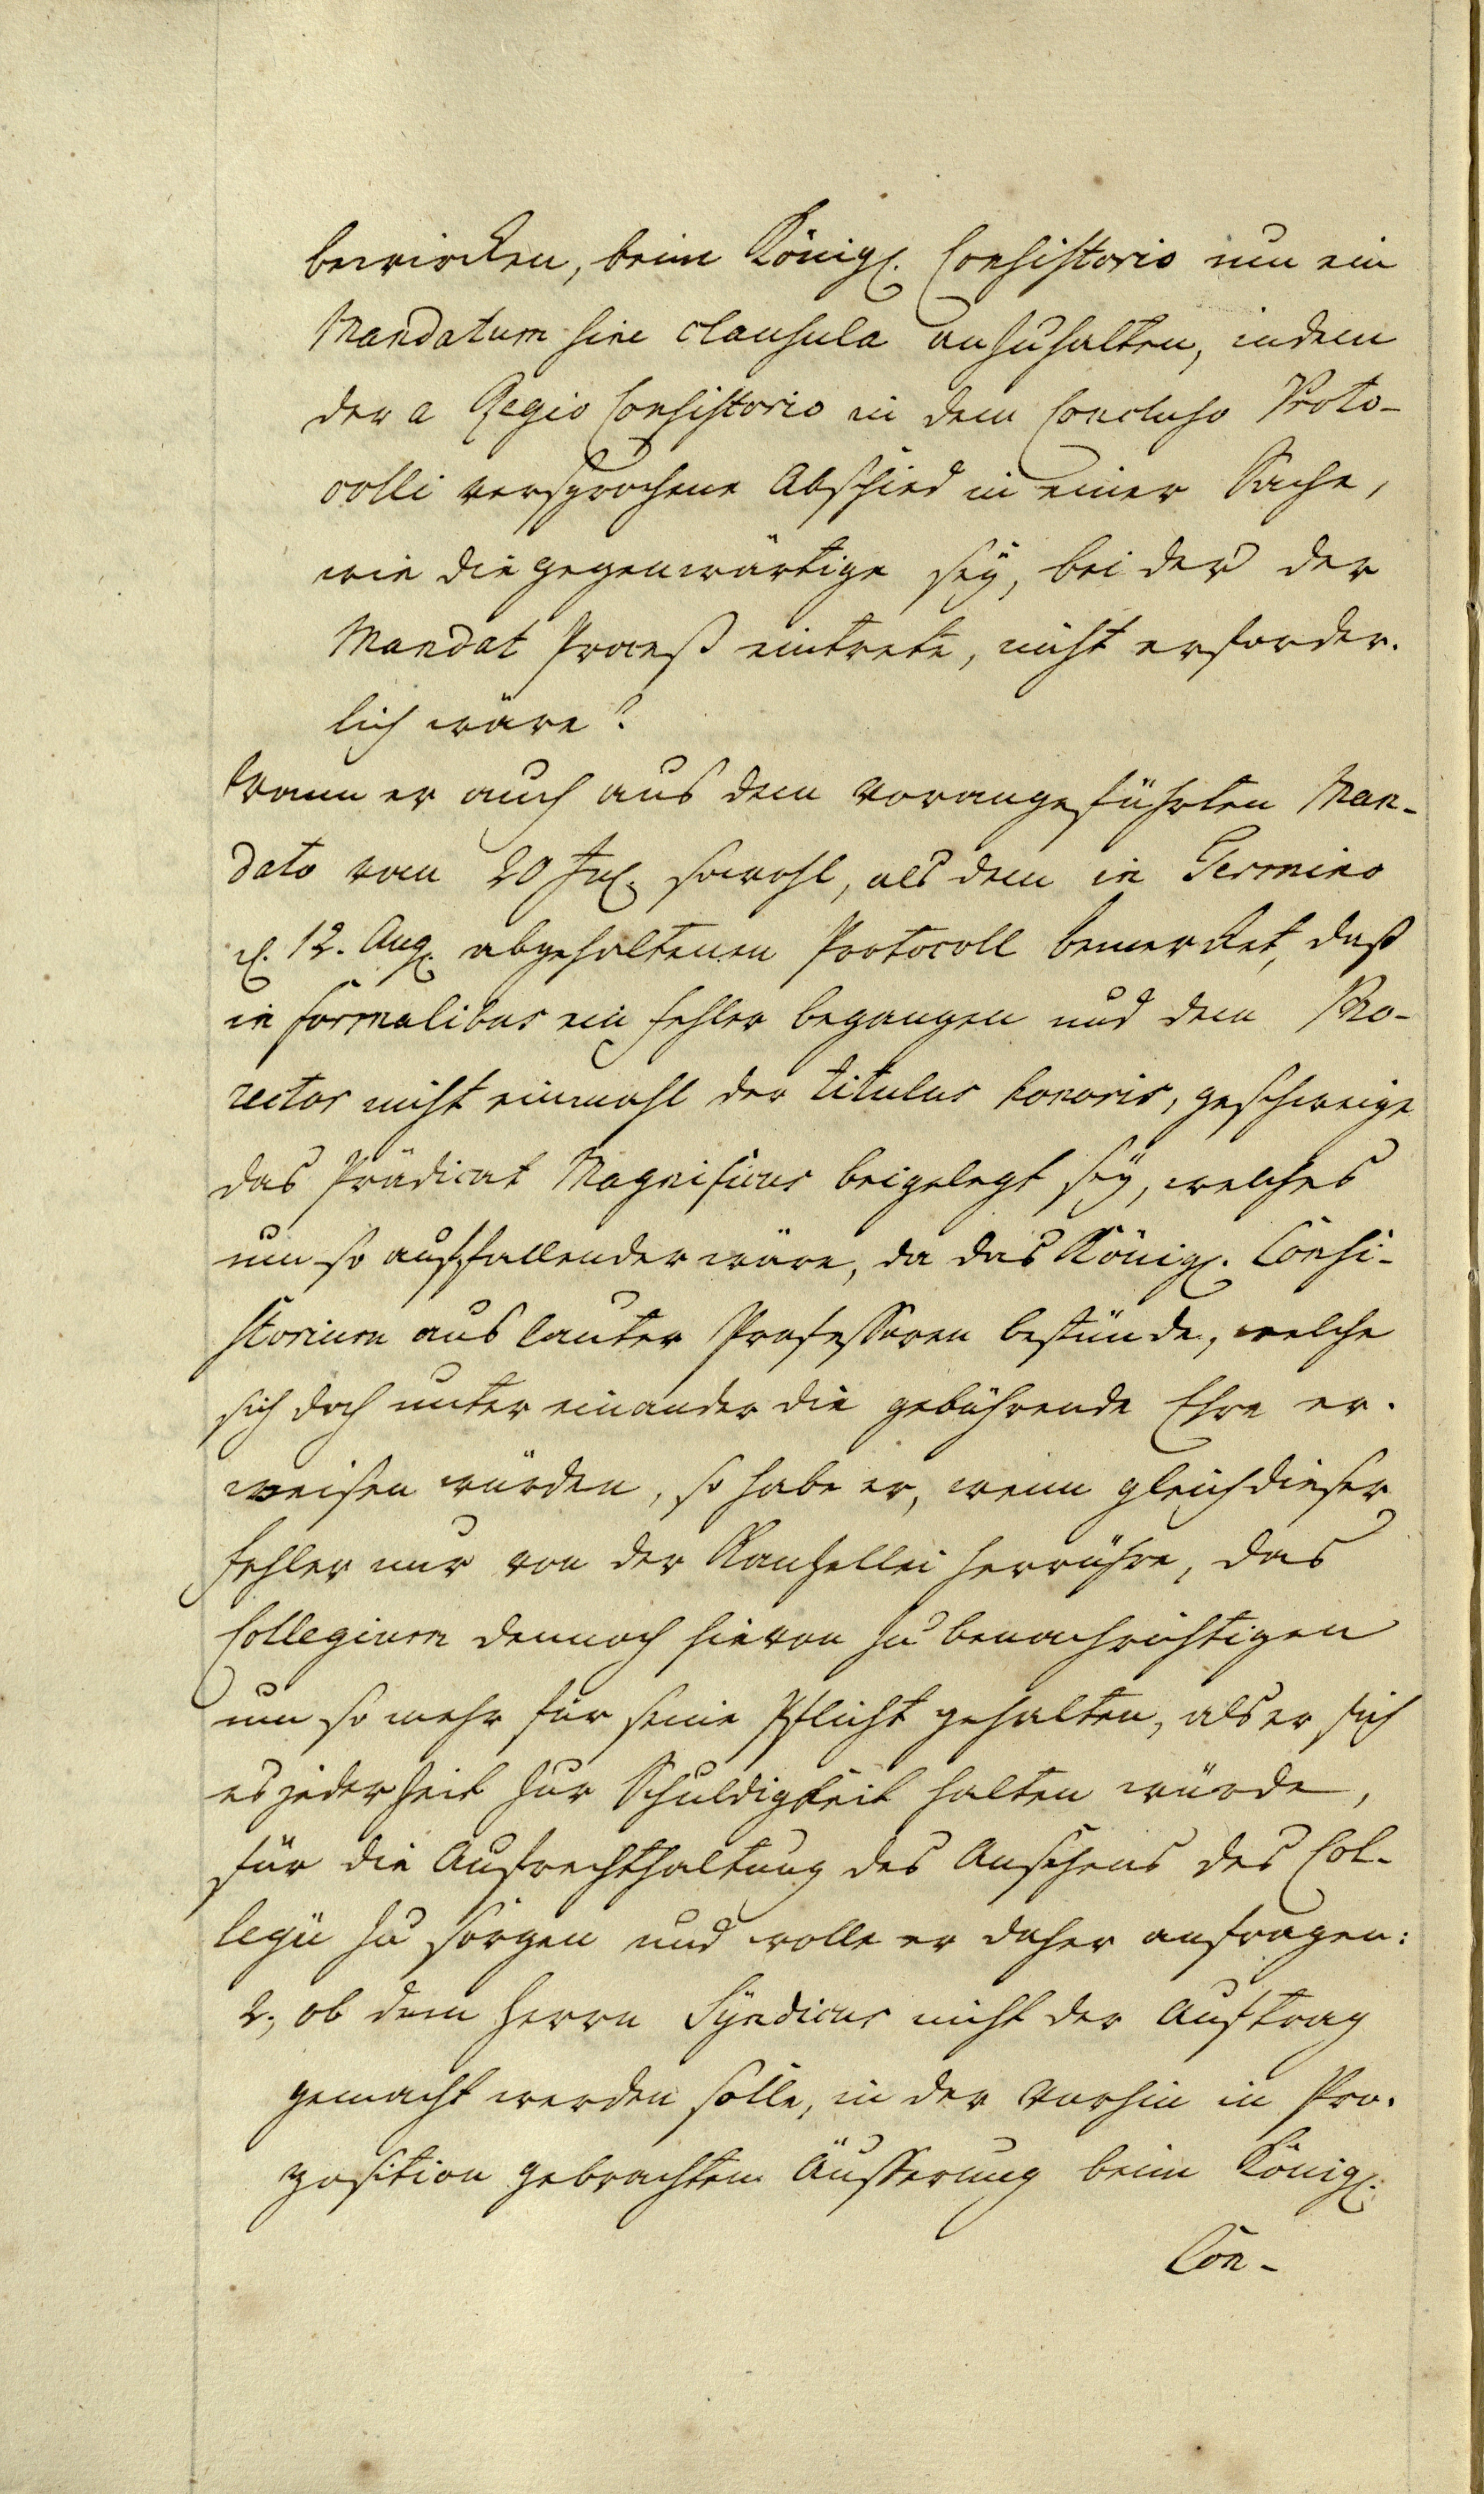bewirken, beim Königl. Consistorio um ein
Mandatum sine clausula anzuhalten, indem
der a Regio Consistorio in dem Concluso Proto¬
colli versprochene Abschied in einer Sache,
wie die gegenwärtige seÿ, bei der der
Mandat Proceß eintrete, nicht erforder¬
lich wäre?
Wann er auch aus dem vorangeführten Man¬
dato vom 20 Jul sowohl, als dem in Termino
d. 12. Aug. abgehaltenen Protocoll bemercket, daß
in formalibus ein Fehler begangen und dem Pro¬
rector nicht einmahl der titulus honoris, geschweige
das Prädicat Magnificus beigelegt seÿ, welches
um so auffallender wäre, da das Königl. Consi¬
storium aus lauter Professoren bestünde, welche
sich doch unter einander die gebührende Ehre er¬
weisen würden, so habe er, wenn gleich dieser
Fehler nur von der Kanzellei herrühre, das
Collegium dennoch hievon zu benachrichtigen
um so mehr für seine Pflicht gehalten, als er sich
es jederzeit zur Schuldigkeit halten würde,
für die Aufrechthaltung des Ansehens des Col¬
legii zu sorgen und wolle er daher anfragen:
2, ob dem Herrn Sÿndicus nicht der Auftrag
gemacht werden solle, in der vorhin in Pro¬
position gebrachten Äusserung beim Königl.
Con¬